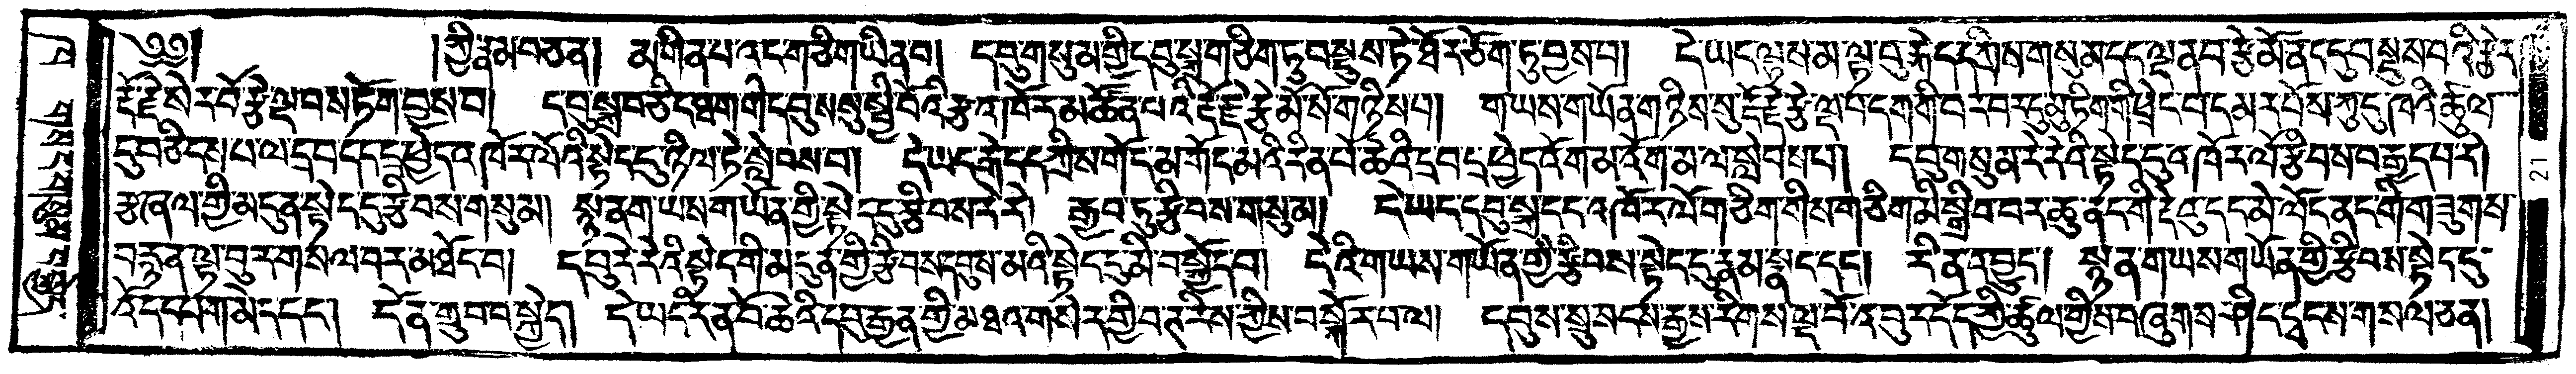༄༅། །ཀྱི་རྣམ་བ་ཅན། མགིན་པ་འང་གཅིག་ཡིན་བ། དབུ་གསུམ་གྱི་དབུ་སྐྲ་གཅིག་ཏུ་བསྡུས་ཏེ་ཐོར་ཅོག་ཏུ་བྱས་པ། དེ་ཡང་ལྷས་མ་ལྟ་བུ་རྐེད་དཀྲིས་གསུམ་དང་ལྡན་བརྩེ་མོ་ནང་དུ་བསྡུས་བའི་རྩེར་
རྡོ་རྗེ་སེར་པོ་རྩེ་ལྔ་བས་ཏོག་བྱས་བ། དབུ་སྐྲབ་ཅིང་ཐག་གི་དབུས་སུ་སྤྱི་བོའི་རྩ་འཁོར་མཚོན་པའི་རྡོ་རྗེ་རྩེ་མོ་སོ་གཉིས་པ། གཡས་གཡོན་གཉིས་སུ་རྡོ་རྗེ་རྩེ་ལྔ་པ་དག་གི་བར་བར་དུ་མུ་ཏིག་གི་ཕྲེང་བ་དམར་པོས་ཀུ་དུ་ཁའི་ཚུལ་
དུ་བཅིངས་པ་ལ་དྲ་བ་དང་དྲ་ཕྱེད་འཁོར་ལོའི་སྟེང་དུ་ཉིལ་ཏེ་སླེབས་པ། དེ་ཡང་རྒེང་དཀྲིས་གོང་མ་གོང་མའི་རིན་པོ་ཆེའི་དྲ་བ་དྲ་ཕྱེད་འོག་མ་འོག་མ་ལ་སླེབས་པ། དབུ་གསུམ་རེ་རེའི་སྟེང་དུ་འཁོར་ལོ་རྩིབས་བརྒྱད་པ་རེ།
རྩ་ཞལ་གྱི་མདུན་སྟེང་དུ་རྩིབས་གསུམ། སྙན་གཡས་གཡོན་གྱི་སྟེང་དུ་རྩིབས་རེ་རེ། རྒྱབ་ཏུ་རྩིབས་གསུམ། དེ་ཡང་དབུ་སྐྲ་དང་འཁོར་ལོ་གཅིག་གིས་གཅིག་མི་སྒྲིབ་པར་ཆུ་ནང་གི་རྡེའུ་དང་མེ་ལོང་ནང་གི་གཟུགས་
བརྙན་ལྟ་བུར་གསལ་བར་མཐོང་བ། དབུ་རེ་རེའི་སྟེང་གི་མདུན་གྱི་རྩིབས་དབུས་མའི་སྟེང་དུ་མི་བསྐྱོད་པ། དེའི་གཡས་གཡོན་གྱི་རྩིབས་སྟེང་དུ་རྣམ་སྣང་དང་། རིན་འབྱུང་། སྙན་གཡས་གཡོན་གྱི་རྩིབས་སྟེང་དུ་
འོད་དཔག་མེད་དང་། དོན་གྲུབ་བསྐྱེད། དེ་ཡང་རིན་པོ་ཆེའི་དབུ་རྒྱན་གྱི་མཐའ་གསེར་གྱི་བ་ཊ་རིས་ཀྱིས་བསྐོར་བ་ལ། དབུས་སྲུ་སངས་རྒྱས་རིགས་ལྔ་པོ་འབུར་དོད་ཀྱི་ཚུལ་གྱིས་བཞུགས་ཤིང་དྭངས་གསལ་ཅན།